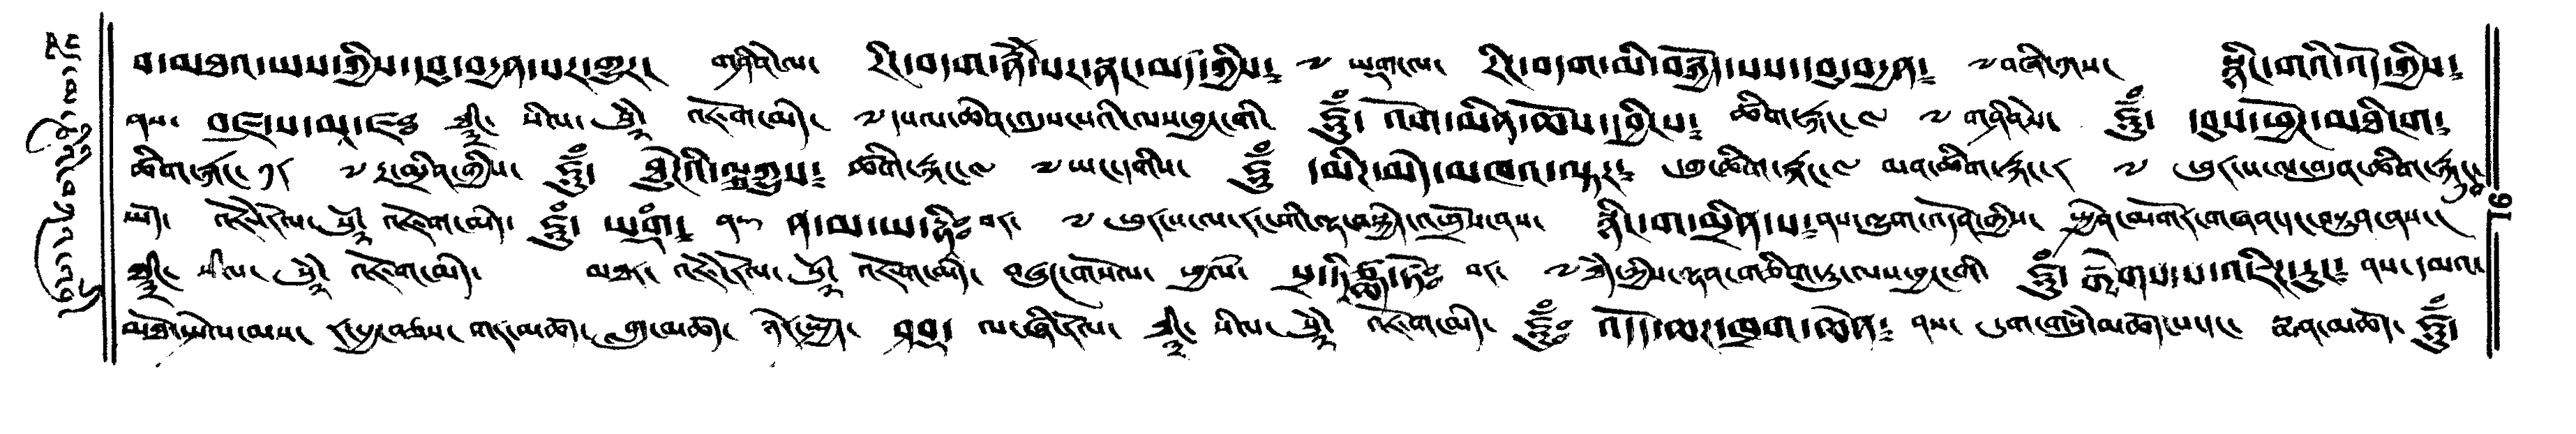བ་མཐའ་ཡས་ཀྱིས་དབུ་བརྒྱན་པར་གྱུར༔ གཤིན་རྗེ་ལ། རིགས་བདག་རྣམ་པར་སྣང་མཛད་ཀྱིས༴ ཡན་ལག་ལ། རིགས་བདག་མི་སྐྱོད་པས་དབུ་བརྒྱན༴ བཞི་ཀས། སྙིང་གའི་འོད་ཀྱིས༴
ནས། བཛྲ་ས་མཱ་ཛཿ ཐིང་གསུམ། ཟིལ། སུམ་གཉིས། འཇོག་མེད། དཔལ་ཆེན་འདུས་པའི་ལས་བྱང་གི ཧཱུྃ༔ འོག་མིན་ཆོས་དབྱིངས༴ ཚིག་རྐང་བཞི། གཤིན་རྗེའི། ཧཱུྃ༔ དབུས་ཕྱོགས་མཐིང་ནག༴ 
ཚིག་རྐང་བཅོ་བརྒྱད། རྟ་མགྲིན་གྱི། ཧཱུྃ༔ ཐུགས་རྗེའི་ལྕགས་ཀྱུས༴ ཚིག་རྐང་བཞི། ཡང་དག་གི ཧཱུྃ༔ དམིགས་མེད་མཁའ་ལྟར༴ དགུ་ཚིག་རྐང་བཞི། མན་ཚིག་རྐངབརྒྱད། ཕུར་པ་ལ་བདུན་ཚིག་རྐང་བཅུ་
ཡོད། འཇམ་རོལ། སུམ་གཉིས། འཇོག་མེད། ཧཱུཾ༔ ཡན་ལག༴ ནས། ན་མ་ཡ་དྷཱིཿ བར། ཕུར་པ་ལ་རང་གི་ལྷ་བསྐྱེད་འཕྲོས་ནས། སྙིང་ག་མགྲིན་པ༴ ནས་ལྷུག་འདོན་གྱིས། སྤྱན་འདྲེན་མགོར་གཞན་དང་བསྟུན་ནས། 
ཐིང་གསུམ། ཟིལ། སུམ་གཉིས། འཇོག་མེད།་མཐར། འཇམ་རོལ། སུམ་གཉིས། འཇོག་མེད། བཞུགས་གསོལ། ཕྱག་འཚལ། པྲ་ཏཱིཙྪ་ཧོཿ བར། ཐམས་ཅད་ཀྱིས་ལྷན་གཅིག་ཏུ་ལས་བྱང་གི ཧཱུྃ༔ སྒེག་པ་འཇིགས་རུང༴ ནས། དམའ་
མཐོ་སྤེལ་མས། རང་རྒྱ་བཅས། གར་མཆོད། གླུ་མཆོད། ཉེར་མཆོད། ཤབྡ་ལ་ཞི་རོལ། ཐིང་གསུམ། ཟིལ། སུམ་གཉིས། འཇོག་མེད། ཧཱུྃ༔ འདོད་ཆགས་ཁྲག་ཆེན༴ ནས། དུག་གསུམ་མཆོད་པ་དང་། སྨན་མཆོད། ཧཱུྃ༔